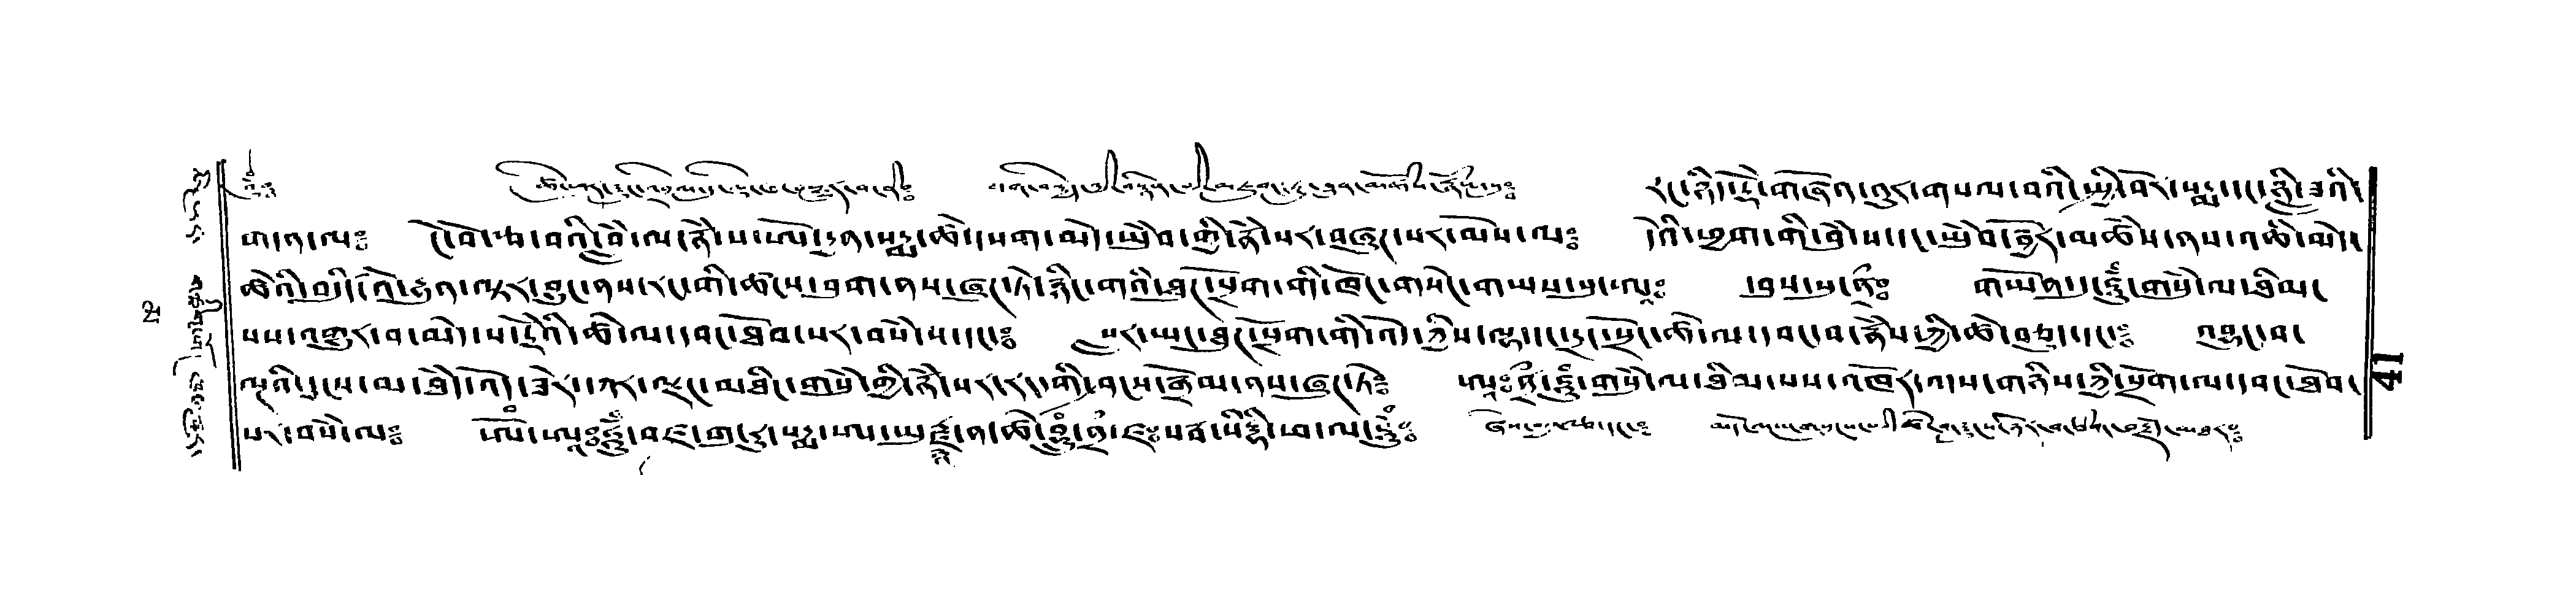ཚེ་ཕུར་ཟུང་འབྲེལ་དུ་ལྡེ་ཁ་བསྒྱུར་བ་ནི༔ བདག་བསྐྱེད་ཀྱི་བསྙེན་པའི་མཇུག་ཏུ་ཐུན་མཚམས་རྣམས་སུ༔ རང་ཉིད་རྡོ་རྗེ་གཞོན་ནུར་གསལ་བའི་སྤྱི་བོར་པདྨ་དང་ཉི་ཟླའི་
གདན་ལ༔ ངོ་བོ་རྩ་བའི་བླ་མ་ལ་རྣམ་པ་ཨོ་རྒྱན་པདྨ་ཚེ་དཔག་མེད་ཡབ་ཡུམ་གྱི་རྣམ་པར་བཞུགས་པར་མོས་ལ༔ དེའི་ཕྱག་གི་བུམ་པ་དང་ཡབ་ཡུམ་སྦྱོར་མཚམས་ནས་འཆི་མེད་
ཚེའི་བདུད་རྩི་འོ་རྒྱུན་ལྟར་བྱུང་ནས་རང་གི་ཚངས་བུག་ནས་ཞུགས་ཏེ་སྙིང་གའི་ཐུགས་སྲོག་གི་ཁོང་གསེང་གཡས་སུ་ཨཱཿ དབུས་སུ་ནྲྀཿ གཡོན་དུ་ཧཱུྃ་གསུམ་ལ་ཐིམ་
པས་འགྱུར་བ་མེད་པ་རྡོ་རྗེའི་ཚེ་ལ་དབང་ཐོབ་པར་བསམ་པ་དང༔ སླར་ཡང་ཐུགས་སྲོག་གི་འོད་ཀྱིས་ལྷ་དང་དྲང་སྲོང་ཚེ་ལ་དབང་བ་རྣམས་ཀྱི་ཚེ་བཅུད་དང༔ འབྱུང་བ་
ལྔའི་དྭངས་མ་ཐམས་ཅད་འོད་ཟེར་དཀར་ལྗང་མཐིང་གསུམ་གྱི་རྣམ་པར་རང་གི་ཤངས་སྒྲོམ་ནས་ཞུགས་ཏེ༔ ཨཱཿནྲྀ་ཧཱུྃ་གསུམ་ལ་ཐིམ་པས་འཁོར་འདས་གཉིས་ཀྱི་སྲོག་ལ་དབང་ཐོབ་
པར་བསམ་ལ༔ ཨོཾ་ཨཱཿཧཱུྃ་བཛྲ་གུ་རུ་པདྨ་ཨ་ཡུ་རྫྙཱ་ན་ཚེ་བྷྲཱུྃ་ནྲྀ་ཛཿསརྦ་སིདྡྷི་ཕ་ལ་ཧཱུྃ༔ ཞེས་བརྒྱ་རྩ་དང་། མདོ་ལས་གསུངས་པའི་ཚེ་གཟུངས་ཉེར་གཅིག་བརྗོད་མཐར༔